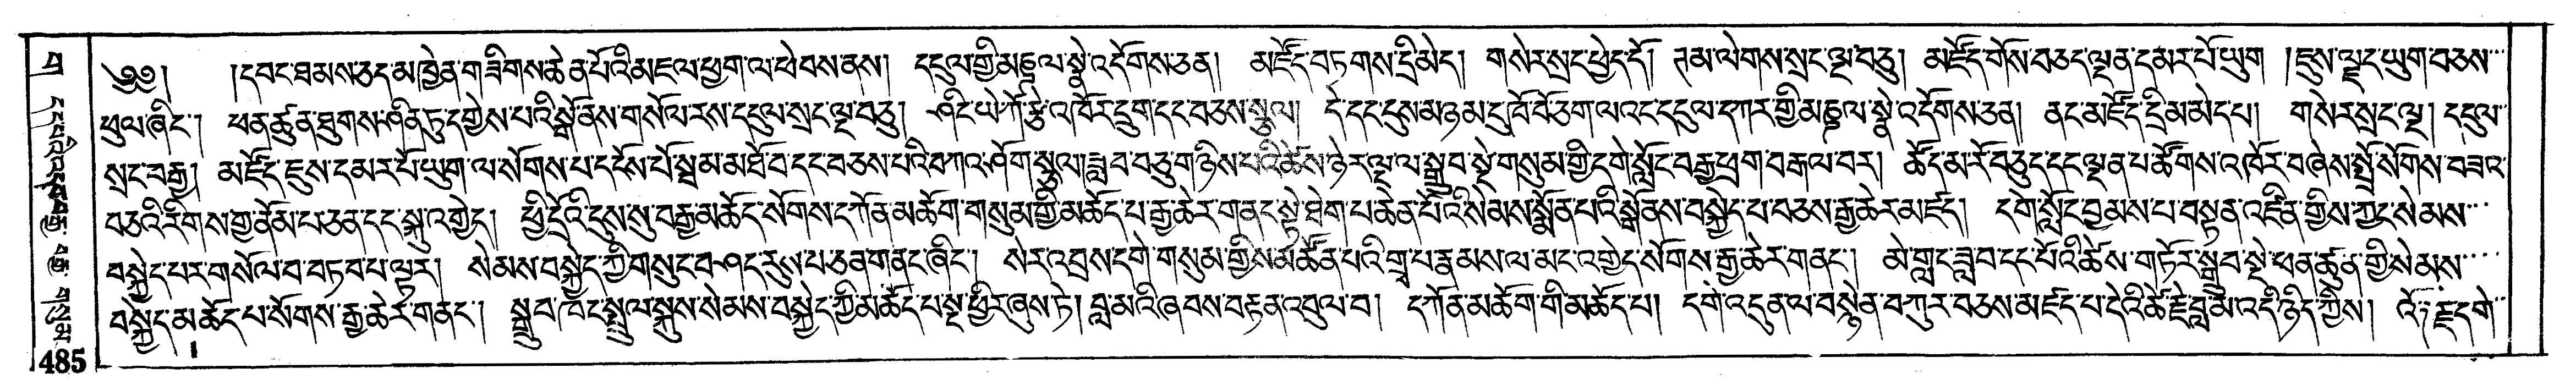༄༅། །དབང་ཐམས་ཅད་མཁྱེན་གཟིགས་ཆེན་པོའི་མཇལ་ཕྱག་ལ་ཕེབས་ནས། དངུལ་གྱི་མཎྜལ་སྣེ་འདོགས་ཅན། མཛོད་བཏགས་དྲི་མེད། གསེར་སྲང་ཕྱེད་དོ། ཊམ་ལེགས་སྲང་ལྔ་བཅུ། མཛོད་གོས་བཅད་ལྡན་དམར་པོ་ཡུག །ཇུས་ལྗང་ཡུག་བཅས་
ཕུལ་ཞིང་། ཕན་ཚུན་ཐུགས་ཤིན་ཏུ་དགྱེས་པའི་སྒོ་ནས་གསོལ་རས་དངུལ་སྲང་ལྔ་བཅུ། ཤིང་ཡེ་ཀོ་རྩེ་འཁོར་དྲུག་དང་བཅས་སྩལ། དེ་དང་དུས་མཉམ་དུ་ཁོ་བོ་ཅག་ལའང་དངུལ་དཀར་གྱི་མཎྜལ་སྣེ་འདོགས་ཅན། ནང་མཛོད་དྲི་མ་མེད་པ། གསེར་སྲང་ལྔ། དངུལ་
སྲང་བརྒྱ། མཛོད་ཇུས་དམར་པོ་ཡུག་ལ་སོགས་པ་དངོས་པོ་སྤམ་མཐོ་བ་དང་བཅས་པའི་བཀའ་ཤོག་སྩལ། ཟླ་བ་བཅུ་གཉིས་པའི་ཚེས་ཉེར་ལྔ་ལ་སྒྲུབ་སྡེ་གསུམ་གྱི་དགེ་སློང་བརྒྱ་ཕྲག་བརྒལ་བར། ཚོད་མ་རོ་བཅུད་དང་ལྡན་པ་ཚོགས་འཁོར་བཞེས་སྤྲོ་སོགས་བཟའ་
བཅའི་རིགས་གྱ་ནོམ་པ་ཅན་དང་སྐུ་འགྱེད། ཕྱི་དྲོའི་དུས་སུ་བརྒྱ་མཆོད་སོགས་དཀོན་མཆོག་གསུམ་གྱི་མཆོད་པ་རྒྱ་ཆེར་གནང་སྟེ་ཐེག་པ་ཆེན་པོའི་སེམས་སྨོན་པའི་སྒོ་ནས་བསྐྱེད་པ་བཅས་རྒྱ་ཆེར་མཛད། དགེ་སློང་བྱམས་པ་བསྟན་འཛིན་གྱིས་ཀྱང་སེམས་
བསྐྱེད་པར་གསོལ་བ་བཏབ་པ་ལྟར། སེམས་བསྐྱེད་ཀྱི་གསུང་བཤད་རུས་པ་ཅན་གནང་ཞིང་། སེར་འབྲས་དགེ་གསུམ་གྱིས་མཚོན་པའི་གྲྭ་པ་རྣམས་ལ་མང་འགྱེད་སོགས་རྒྱ་ཆེར་གནང་། མེ་གླང་ཟླ་བ་དང་པོའི་ཚེས་གཏོར་སྒྲུབ་སྡེ་ཕན་ཚུན་གྱི་སེམས་
བསྐྱེད་མཆོད་པ་སོགས་རྒྱ་ཆེར་གནང་། སྒྲུབ་ཁང་སྤྲུལ་སྐུས་སེམས་བསྐྱེད་ཀྱི་མཆོད་པ་སྔ་ཕྱིར་ཞུས་ཏེ། བླ་མའི་ཞབས་བརྟན་འབུལ་བ། དཀོན་མཆོག་གི་མཆོད་པ། དགེ་འདུན་ལ་བསྙེན་བཀུར་བཅས་མཛད་པ་དེའི་ཚེ་རྗེ་བླ་མ་འདི་ཉིད་ཀྱིས། འོ༑ རྗེ་དགེ་